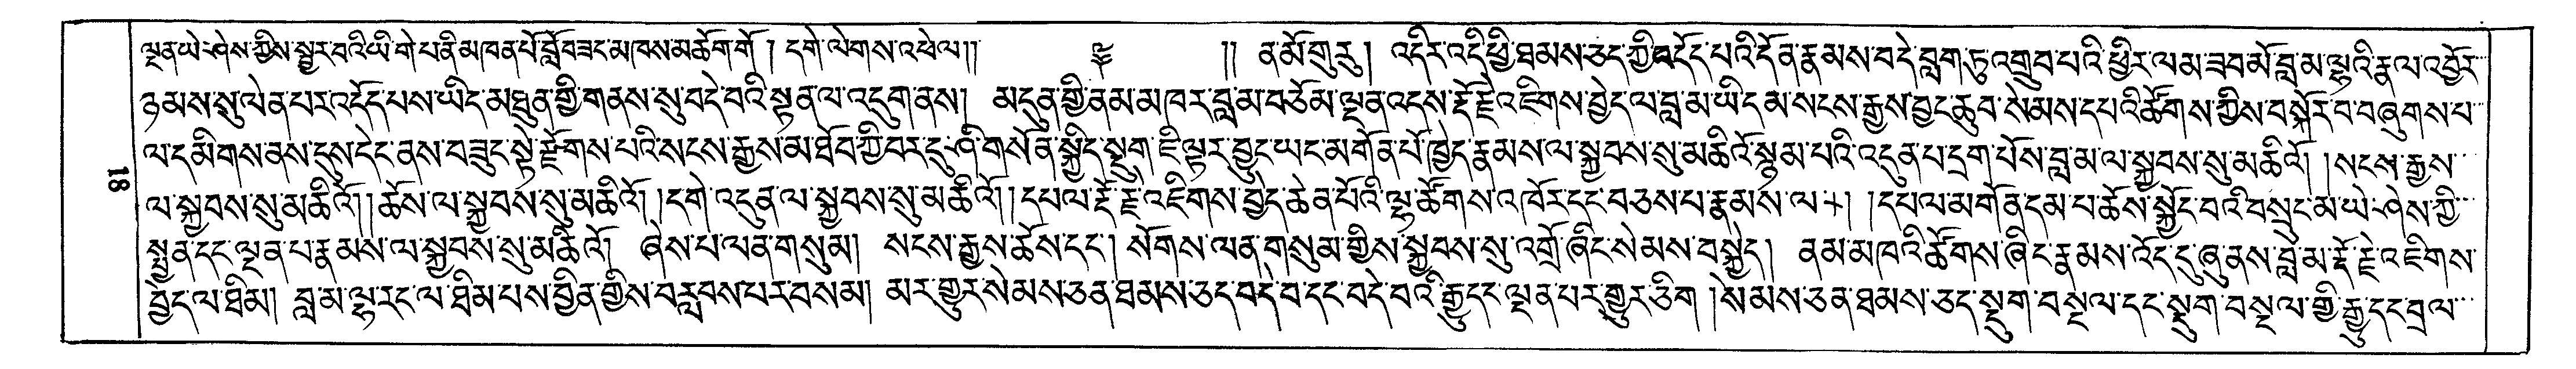ལྡན་ཡེ་ཤེས་ཀྱིས་སྦྱར་བའི་ཡི་གེ་པ་ནི་མཁན་པོ་བློ་བཟང་མཁས་མཆོག་གོ །དགེ་ལེགས་འཕེལ།། ༈ །།ན་མོ་གུ་རུ། འདིར་འདི་ཕྱི་ཐམས་ཅད་ཀྱི་འདོད་པའི་དོན་རྣམས་བདེ་བླག་ཏུ་འགྲུབ་པའི་ཕྱིར་ལམ་ཟབ་མོ་བླ་མ་ལྷའི་རྣལ་འབྱོར་
ཉམས་སུ་ལེན་པར་འདོད་པས་ཡིད་མཐུན་གྱི་གནས་སུ་བདེ་བའི་བསྟན་ལ་འདུག་ནས། མདུན་གྱི་ནམ་མཁར་བླ་མ་བཅོམ་ལྡན་འདས་རྡོ་རྗེ་འཇིགས་བྱེད་ལ་བླ་མ་ཡི་དམ་སངས་རྒྱས་བྱང་ཆུབ་སེམས་དཔའི་ཚོགས་ཀྱིས་བསྐོར་བ་བཞུགས་པ་
ལ་དམིགས་ནས་དུས་དེང་ནས་བཟུང་སྟེ་རྫོགས་པའི་སངས་རྒྱས་མ་ཐོབ་ཀྱི་བར་དུ་ཤི་གསོན་སྐྱིད་སྡུག་ཇི་ལྟར་བྱུང་ཡང་མགོན་པོ་ཁྱེད་རྣམས་ལ་སྐྱབས་སུ་མཆིའོ་སྙམ་པའི་འདུན་པ་དྲག་པོས་བླ་མ་ལ་སྐྱབས་སུ་མཆིའོ། །སངས་རྒྱས་
ལ་སྐྱབས་སུ་མཆིའོ། །ཆོས་ལ་སྐྱབས་སུ་མཆིའོ། །དགེ་འདུན་ལ་སྐྱབས་སུ་མཆིའོ། །དཔལ་རྡོ་རྗེ་འཇིགས་བྱེད་ཆེན་པོའི་ལྷ་ཚོགས་འཁོར་དང་བཅས་པ་རྣམས་ལ། །དཔལ་མགོན་དམ་པ་ཆོས་སྐྱོང་བའི་བསྲུང་མ་ཡེ་ཤེས་ཀྱི་
སྤྱན་དང་ལྡན་པ་རྣམས་ལ་སྐྱབས་སུ་མཆིའོ། ཞེས་པ་ལན་གསུམ། སངས་རྒྱས་ཆོས་དང་། སོགས་ལན་གསུམ་གྱིས་སྐྱབས་སུ་འགྲོ་ཞིང་སེམས་བསྐྱེད། ནམ་མཁའི་ཚོགས་ཞིང་རྣམས་འོད་དུ་ཞུ་ནས་བླ་མ་རྡོ་རྗེ་འཇིགས་
བྱེད་ལ་ཐིམ། བླ་མ་ལྷ་རང་ལ་ཐིམ་པས་བྱིན་གྱིས་བརླབས་པར་བསམ། མར་གྱུར་སེམས་ཅན་ཐམས་ཅད་བདེ་བ་དང་བདེ་བའི་རྒྱུ་དང་ལྡན་པར་གྱུར་ཅིག །སེམས་ཅན་ཐམས་ཅད་སྡུག་བསྔལ་དང་སྡུག་བསྔལ་གྱི་རྒྱུ་དང་བྲལ་